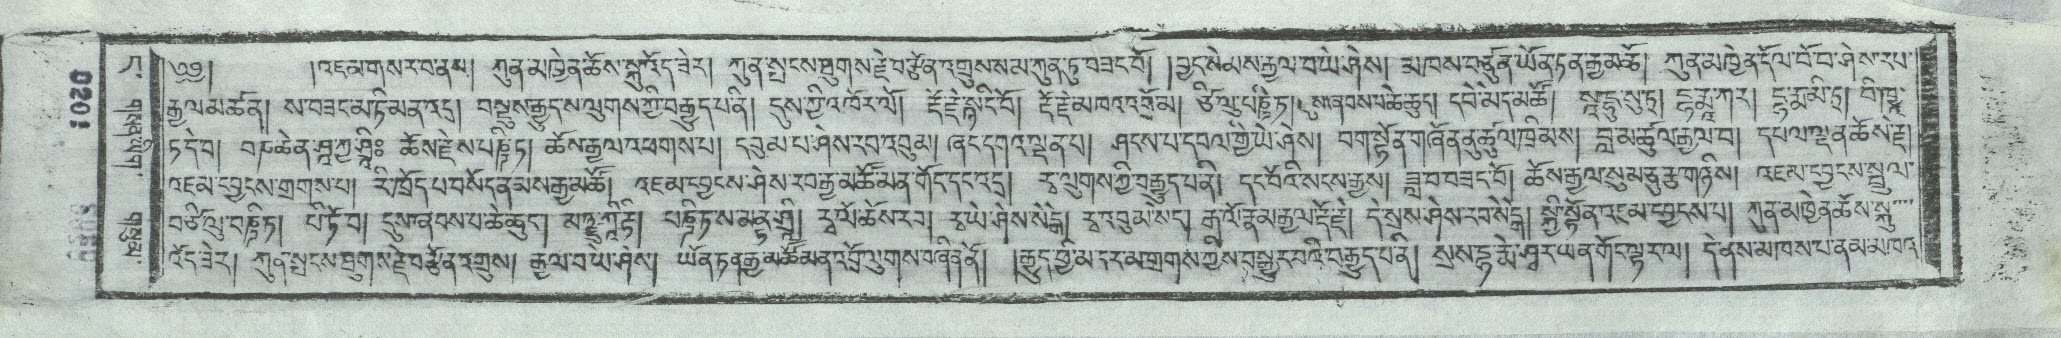༄༅། །འཇམ་གསར་བ་ནས། ཀུན་མཁྱེན་ཆོས་སྐུ་འོད་ཟེར། ཀུན་སྤངས་ཐུགས་རྗེ་བ་རྩོན་འགྲུས་སམ་ཀུན་ཏུ་བཟང་བོ། །བྱང་སེམས་རྒྱལ་བ་ཡེ་ཤེས། མཁས་བཙུན་ཡོན་ཏན་རྒྱ་མཚོ། ཀུན་མཁྱེན་དོལ་བོ་པ་ཤེས་རབ་
རྒྱལ་མཚན། ས་བཟང་མ་ཏི་མན་འདྲ། བསྡུས་རྒྱུད་ས་ལུགས་ཀྱི་བརྒྱུད་པ་ནི། དུས་ཀྱི་འཁོར་ལོ། རྡོ་རྗེ་སྙིང་བོ། རྡོ་རྗེ་མཁའ་འགྲོ་མ། ཙི་ལུ་པཎྜི་ཏ། དུས་ཞབས་པ་ཆེ་ཆུད། དཔེ་མེད་མཚོ། སཱ་དྷུ་སུ་ཏ། དྷ་རྨཱ་ཀ་ར། དྷ་རྨ་མི་ཏ། བི་ཁྱ་
ཏ་དེ་བ། པཎ་ཆེན་ཤཱཀྱ་ཤྲཱིཿ ཆོས་རྗེས་པཎྜི་ཏ། ཆོས་རྒྱལ་འཕགས་པ། དབུམ་པ་ཤེས་རབ་འབུམ། ཞང་དགའ་ལྡན་པ། ཤངས་པ་དབལ་གྱི་ཡེ་ཤེས། བག་སྟོན་གཞོན་ནུ་ཚུལ་ཁྲིམས། བླ་མ་ཚུལ་རྒྱལ་བ། དཔལ་ལྡན་ཆོས་རྗེ།
འཇམ་དབྱངས་གྲགས་པ། རི་ཁྲོད་པ་བསོད་ནམས་རྒྱ་མཚོ། འཇམ་དབྱངས་ཤེས་རབ་རྒྱ་མཚོ་མན་གོང་དང་འདྲ། རྭ་ལུགས་ཀྱི་བརྒྱུད་པ་ནི། དང་བོའི་སངས་རྒྱས། ཟླ་བ་བཟང་བོ། ཆོས་རྒྱལ་སུམ་ཅུ་རྩ་གཉིས། འཇམ་དབྱངས་སྦྲུལ་
པ་ཚི་ལུ་བཎྜི་ཏ། པི་ཏོ་བ། དུས་ཞབས་པ་ཆེ་ཆུང་། མཉྫུ་ཀཱི་རྟི། པཎྜི་ཏ་ས་མནྟ་ཤྲཱི། རྭ་ལོ་ཆོས་རབ། རྭ་ཡེ་ཤེས་སེངྒེ། རྭ་འབུམ་སད། རྒ་ལོ་རྣམ་རྒྱལ་རྡོ་རྗེ། དེ་སྲས་ཤེས་རབ་སེངྒེ། སྐྱི་སྟོན་འཇམ་དབྱངས་པ། ཀུན་མཁྱེན་ཆོས་སྐུ་
འོད་ཟེར། ཀུན་སངས་?་?་?་?་འགྲུས། རྒྱལ་བ་ཡེ་ཤེས། ཡོན་ཏན་རྒྱ་མཚོ་མན་འགྲོ་ལུགས་བཞིན་ནོ། །རྒྱུད་ཕྱི་མ་དར་མ་གྲགས་ཀྱིས་བསྒྱུར་བའི་བརྒྱུད་པ་ནི། སྲས་དྷ་རྨེ་ཤྭར་ཡན་གོང་ལྟར་ལ། དེ་ནས་མཁས་པ་ནམ་མཁའ་